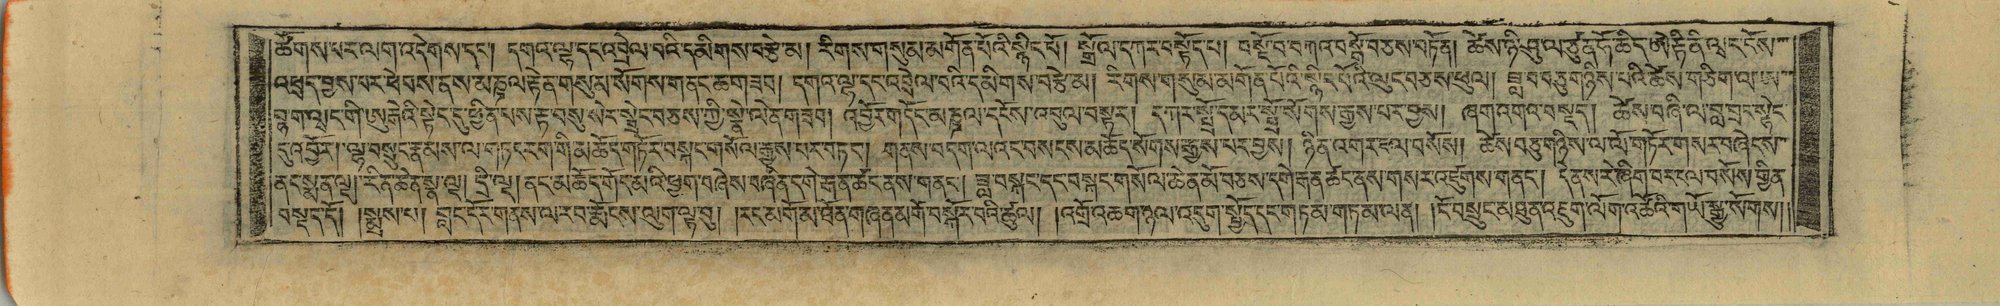ཚོགས་པར་ལག་འདེགས་དང་། དགའ་ལྷ་དང་འབྲེལ་བའི་དམིགས་བརྩེ་མ། རིགས་གསུམ་མགོན་པོའི་སྙིང་པོ། སྒྲོལ་དཀར་བསྟོད་པ། བསྔོ་བ་བཀའ་བསྒོ་བཅས་བཏོན། ཚེས་ཉི་ཤུ་ལ་ཙུན་ཧོ་ཆིད་ཨེ་རྟི་ནི་ཝང་ངོས་
འཕྲད་བྱས་པར་ཕེབས་ནས་མཎྜལ་རྟེན་གསུམ་སོགས་གནང་ཆ་གཟབ། དགའ་ལྷ་དང་འབྲེལ་བའི་དམིགས་བརྩེ་མ། རིགས་གསུམ་མགོན་པོའི་སྙིང་པོའི་ལུང་བཅས་ཕུལ། ཟླ་བ་བཅུ་གཉིས་པའི་ཚེས་གཅིག་ལ་ཨ་
བྷ་ག་ཝང་གི་ཨུརྒེའི་སྟེང་དུ་ཕྱིན་པས་རྟ་བསུ་སེར་སྦྲེང་བཅས་ཀྱི་སྣེ་ལེན་གཟབ། འབྱོར་གདོང་མཎྜལ་དངོས་འབུལ་བསྟར། དཀར་སྤྲོ་དམར་སྤྲོ་སོགས་རྒྱས་པར་བྱས། ཞག་འགའ་བསྡད། ཚེས་བཞི་ལ་བླ་བྲང་སྟེང་
དུ་འབྱོར། ལྷ་བསྲུང་རྣམས་ལ་གཏང་རག་གི་མཆོད་གཏོར་བསྐང་གསོལ་རྒྱས་པར་བཏང་། གནས་བདག་ལའང་བསངས་མཆོད་སོགས་རྒྱས་པར་བྱས། ཉིན་འགར་ཇལ་བསོས། ཚེས་བཅུ་གཉིས་ལ་ལོ་གཏོར་གསར་བཞེངས་
ནང་སྨན་ལྔ། རིན་ཆེན་སྣ་ལྔ། དྲི་ལྔ། ནང་མཆོད་གོང་མའི་ཕྱག་བཞེས་བཞིན་དགེ་རྒན་ཚང་ནས་གནང་། ཟླ་བསྐང་དང་བསྐང་གསོལ་ཆེན་མོ་བཅས་དགེ་རྒན་ཚང་ནས་གསར་འཛུགས་གནང་། དེ་ནས་རེ་ཞིག་བར་ངལ་བསོས་གྱིན་
བསྡད་དོ། །སྨྲས་པ། བླང་དོར་གནས་ལ་རབ་རྨོངས་ལུག་ལྟ་བུ། །རང་མགོ་མ་ཐོན་གཞན་མགོ་བསྐོར་བའི་ཚུལ། །འགྲོ་འཆག་ཉལ་འདུག་སྤྱོད་དང་གཏམ་གཏམ་ལན། །ངོ་བསྲུང་མཐུན་འཇུག་ལོག་འཚོའི་གཡོ་སྒྱུ་སོགས། །